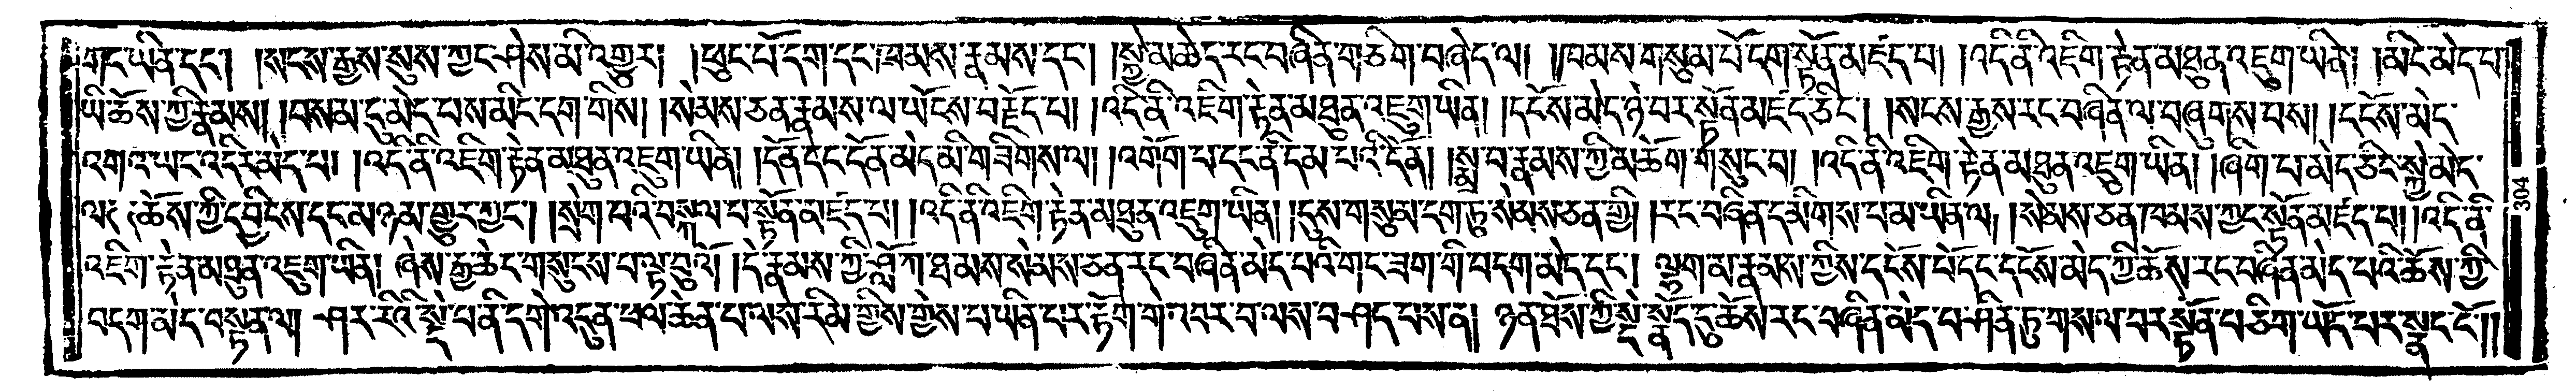གང་ཡིན་དང་། །སངས་རྒྱས་སུས་ཀྱང་ཤེས་མི་འགྱུར། །ཕུང་པོ་དག་དང་ཁམས་རྣམས་དང་། །སྐྱེ་མཆེད་རང་བཞིན་གཅིག་བཞེད་ལ། །ཁམས་གསུམ་པོ་དག་སྟོན་མཛད་པ། །འདི་ནི་འཇིག་རྟེན་མཐུན་འཇུག་ཡིན། །མིང་མེད་པ་
ཡི་ཆོས་ཀྱི་རྣམས། །བསམ་པ་མེད་པས་མིང་དག་གིས། །སེམས་ཅན་རྣམས་ལ་ཡོངས་བརྗོད་པ། །འདི་ནི་འཇིག་རྟེན་མཐུན་འཇུག་ཡིན། །དངོས་མེད་ཉེ་བར་སྟོན་མཛད་ཅིང་། །སངས་རྒྱས་རང་བཞིན་ལ་བཞུགས་པས། །དངོས་མེད་
འགའ་ཡང་འདིར་མེད་པ། །འདི་ནི་འཇིག་རྟེན་མཐུན་འཇུག་ཡིན། །དོན་དང་དོན་མེད་མི་གཟིགས་ལ། །འགོག་པ་དང་ནི་དམ་པའི་དོན། །སྨྲ་བ་རྣམས་ཀྱི་མཆོག་གསུང་བ། །འདི་ནི་འཇིག་རྟེན་མཐུན་འཇུག་ཡིན། །ཞིག་པ་མེད་ཅིང་སྐྱེ་མེད་
ལ༑ ༑ཆོས་ཀྱི་དབྱིངས་དང་མཉམ་གྱུར་ཀྱང་། །སྲེག་པའི་བསྐལ་པ་སྟོན་མཛད་པ། །འདི་ནི་འཇིག་རྟེན་མཐུན་འཇུག་ཡིན། །དུས་གསུམ་དག་ཏུ་སེམས་ཅན་གྱི། །རང་བཞིན་དམིགས་པ་མ་ཡིན་ལ། །སེམས་ཅན་ཁམས་ཀྱང་སྟོན་མཛད་པ། །འདི་ནི་
འཇིག་རྟེན་མཐུན་འཇུག་ཡིན། ཞེས་རྒྱ་ཆེར་གསུངས་པ་ལྟ་བུའོ། །དེ་རྣམས་ཀྱི་ཤློ་ཀ་ཐ་མས་སེམས་ཅན་རང་བཞིན་མེད་པའི་གང་ཟག་གི་བདག་མེད་དང་། ལྷག་མ་རྣམས་ཀྱིས་དངོས་པོ་དང་དངོས་མེད་ཀྱི་ཆོས་རང་བཞིན་མེད་པའི་ཆོས་ཀྱི་
བདག་མེད་བསྟན་ལ། ཤར་རིའི་སྡེ་པ་ནི་དགེ་འདུན་ཕལ་ཆེན་པ་ལས་རིམ་གྱིས་གྱེས་པ་ཡིན་པར་རྟོག་གེ་འབར་བ་ལས་བཤད་པས་ན། ཉན་ཐོས་ཀྱི་སྡེ་སྣོད་དུ་ཆོས་རང་བཞིན་མེད་པ་ཤིན་ཏུ་གསལ་བར་སྟོན་པ་ཅིག་ཡོད་པར་སྣང་ངོ།།